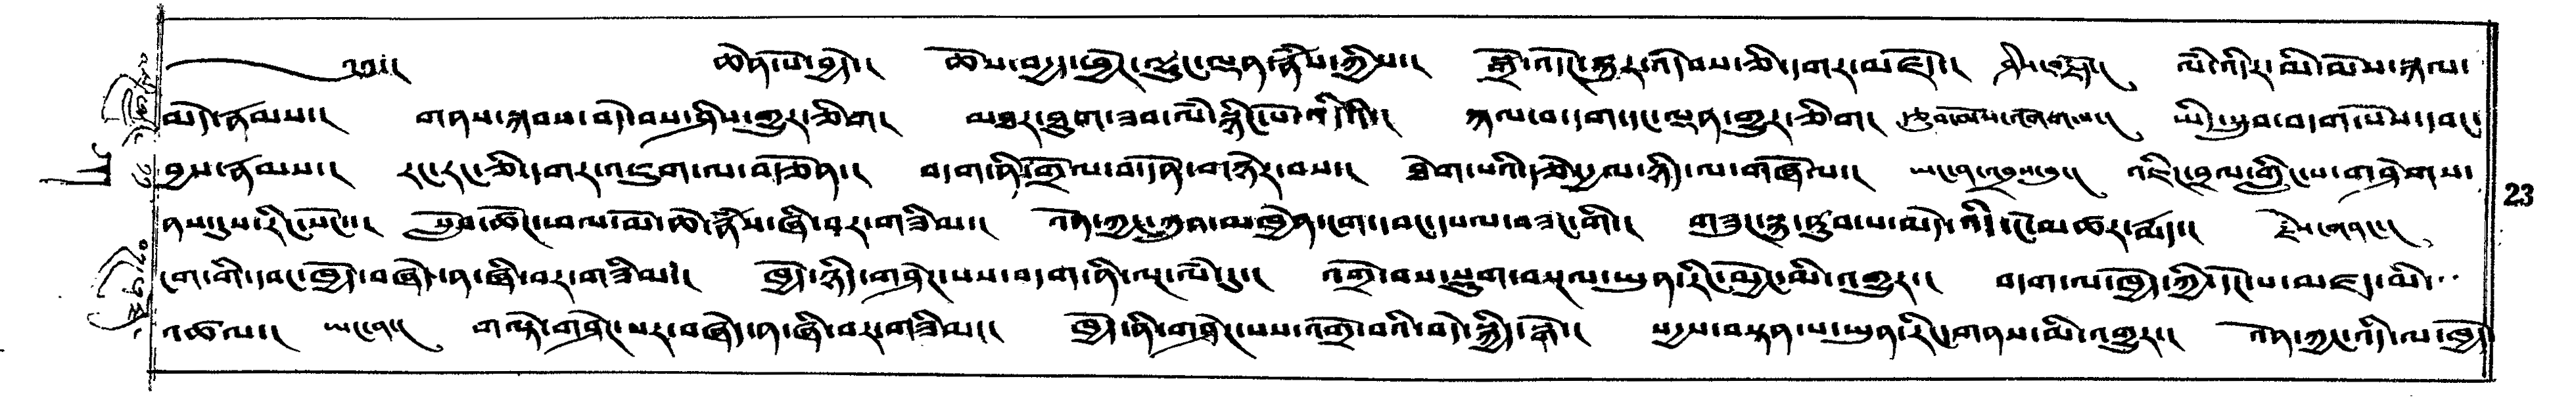ཆེན་པོ་བྱེད། །ཆོས་བརྒྱད་ཕྱོགས་ལྷུང་ལྡན་རྣམས་ཀྱིས། །སྒྲོ་འདོགས་སྐུར་འདེབས་ཅི་དགར་མཛོད། ཤིས་བརྗོད། ལམ་འདིར་མི་མོས་སྐལ་
མེད་རྣམས། །གནས་སྐབས་བདེ་བས་ཤིས་གྱུར་ཅིག ། མཐར་ཐུག་ཟབ་ལམ་སྙིང་པོ་འདིའི། །སྐལ་བ་དག་དང་ལྡན་གྱུར་ཅིག ། རྩུབ་མོས་འགོག་པ། ཡིད་སྲུབས་བདག་པོས་དབང་
བྱས་རྣམས། །རང་རང་ཅི་དགར་འཇུག་ལ་བརྩོན། །བདག་ནི་གྲོལ་བ་དོན་གཉེར་བས། །ཐེག་པའི་རྩེ་རྒྱལ་ཉིད་ལ་གཞོལ། ། ཡང་ན་འབྲས་བུ། འཇིགས་བྲལ་གླིང་པ་གཤེགས་
ནས་དུས་རིང་སོང་། །སློབ་ཚོགས་ཕལ་མོ་ཆེ་རྣམས་ཞི་བར་གཟིམས། །འོན་ཀྱང་ཀུན་མཁྱེན་ངག་དབང་དཔལ་བཟང་གི ། གཟུགས་སྐུ་ནུབ་པ་མེད་འདི་ངོ་མཚར་རྨད། ། རྗེས་གནང་། 
ངག་གི་དབང་ཁྱོད་བཞེད་ན་ཞི་བར་གཟིམ། །ཁྱོད་ཉིད་གཤེགས་པས་བདག་ནི་ལྔ་ལམ་དུ། །འགྲོ་བས་སྡུག་བསྔལ་ཡུན་རིང་མྱོང་མི་འགྱུར། །བདག་ལ་ཁྱོད་ཀྱི་དོགས་པ་མཛད་མི་
འཚལ། ཡང་ན། གལ་ཏེ་གཤེགས་པར་བཞེད་ན་ཞི་བར་གཟིམ། །ཁྱོད་ནི་གཤེགས་པས་འགྲོ་བའི་བདེ་སྐྱིད་སྒོ། །སངས་རྒྱས་བསྟན་པ་ཡུན་རིང་གནས་མི་འགྱུར། །འོན་ཀྱང་འདི་ལ་ཁྱོད་